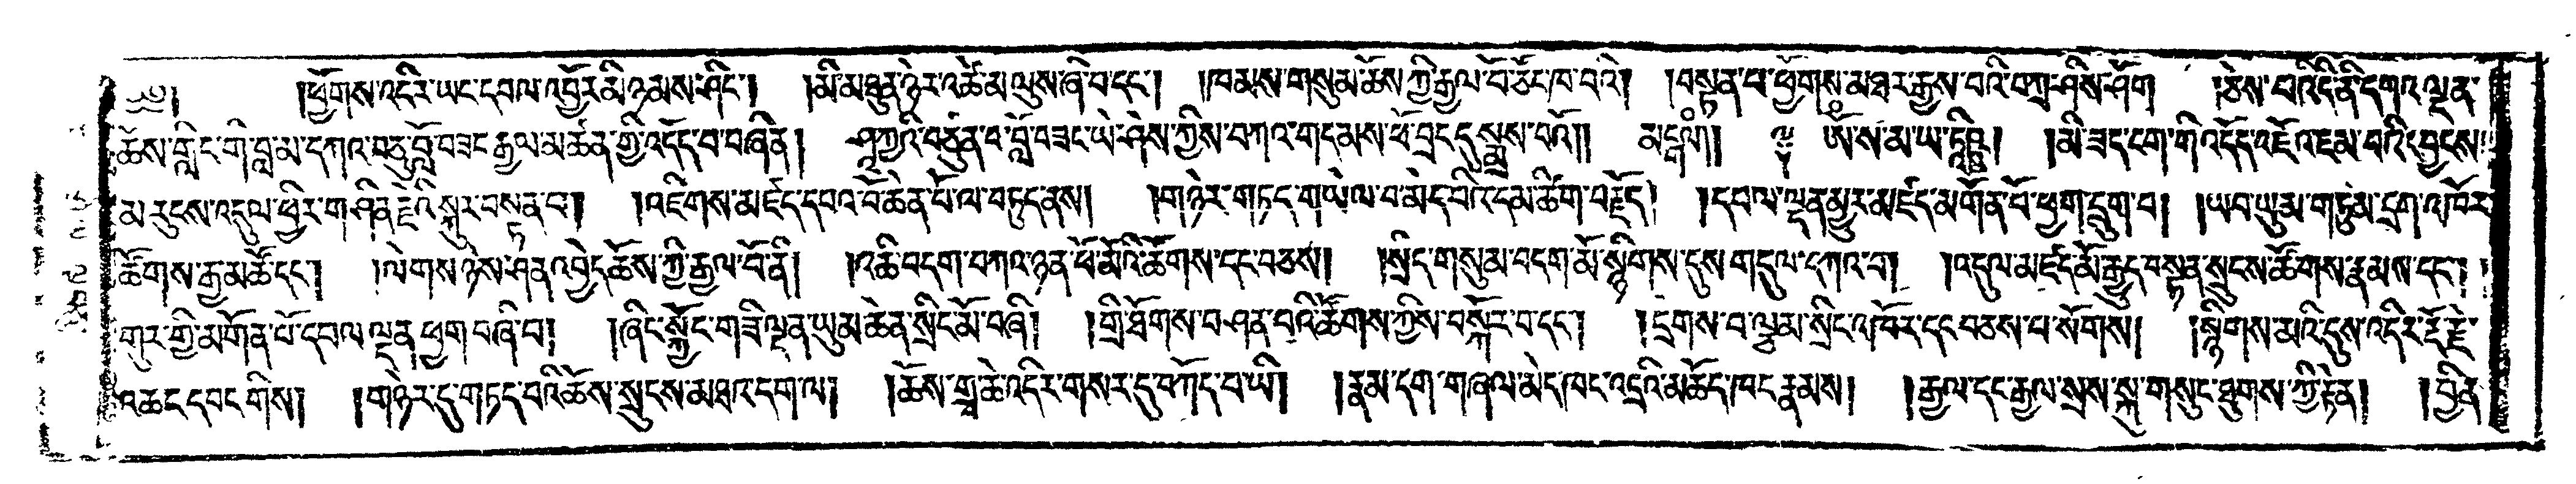༄༅། །ཕྱོགས་འདིར་ཡང་དབལ་འབྱོར་མི་ཉམས་ཤིང་། །མི་མཐུན་ཉེར་འཚེ་མ་ལུས་ཞི་བ་དང་། །ཁམས་གསུམ་ཆོས་ཀྱི་རྒྱལ་བོ་ཙོང་ཁ་བའི། །བསྟན་པ་ཕྱོགས་མཐར་རྒྱས་བའི་བཀྲ་ཤིས་ཤོག །ཅེས་བའི་དི་ནི་དགའ་ལྡན་
ཆོས་གླིང་གི་བླ་མ་དཀའ་བཅུ་བློ་བཟང་རྒྱལ་མཚན་གྱི་འདོད་བ་བཞིན། ཤཱཀྱའི་བཙུན་བ་བློ་བཟང་ཡེ་ཤེས་ཀྱིས་བཀའ་གདམས་ཕོ་བྲང་དུ་སྨྲས་པའོ།། མངྒལཾ།། ༈ ཨོཾ་ས་མ་ཡ་ཏཱཥཊཿཨི། །མི་ཟད་ངག་གི་འདོད་འཇོ་འཇམ་བའི་དབྱངས་
མ་རུངས་འདུལ་ཕྱིར་གཤིན་རྗེའི་སྐུར་བསྟན་བ། །འཇིགས་མཛད་དབའ་བོ་ཆེན་པོ་ལ་བཏུད་ནས། །གཉེར་གཏད་གཡེལ་བ་མེད་པའི་དམ་ཚིག་བརྗོད། །དབལ་ལྡན་མྱུར་མཛད་མགོན་པོ་ཕྱག་དྲུག་བ། །ཡབ་ཡུམ་གཏུམ་དྲག་འཁོར་
ཚོགས་རྒྱ་མཚོ་དང་། །ལེགས་ཉེས་ཤན་འབྱེད་ཆོས་ཀྱི་རྒྱལ་བོ་ནི། །འཆི་བདག་བཀའ་ཉན་ཕོ་མོའི་ཆོགས་དང་བཅས། །སྲིད་གསུམ་བདག་མོ་སྙིགས་དུས་གདུལ་དཀའ་བ། །འདུལ་མཛད་མོ་རྒྱུད་བསྟན་སྲུངས་ཚོགས་རྣམས་དང་།
གུ་གྱི་མགོན་པོ་དབལ་ལྡན་ཕྱག་བཞི་བ། །ཞིང་སྐྱོང་གཟི་ལྡན་ཡུམ་ཆེན་སྲིང་མོ་བཞི། །འགྲི་ཐོགས་བཤན་པའི་ཚོགས་ཀྱིས་བསྐོར་བ་དང་། །དྲེགས་བ་ལྕམ་སྲིད་འཁོར་དང་བཅས་པ་སོགས། །སྙིང་མའི་དུས་འདིར་རྡོ་རྗེ་
འཆང་དབང་གིས། །གཉེར་དུ་གཏད་བའི་ཆོས་སྲུངས་མཐའ་དག་ལ། །ཆོས་གྲྭ་ཆེ་འདིར་གསར་དུ་བཀོད་པ་ཡི། །རྣམ་དག་གཞལ་མེད་ཁང་འདྲའི་མཆོད་ཁང་རྣམས། །རྒྱལ་དང་རྒྱལ་སྲས་སྐུ་གསུང་ཐུགས་ཀྱི་རྟེན། །བྱིན་